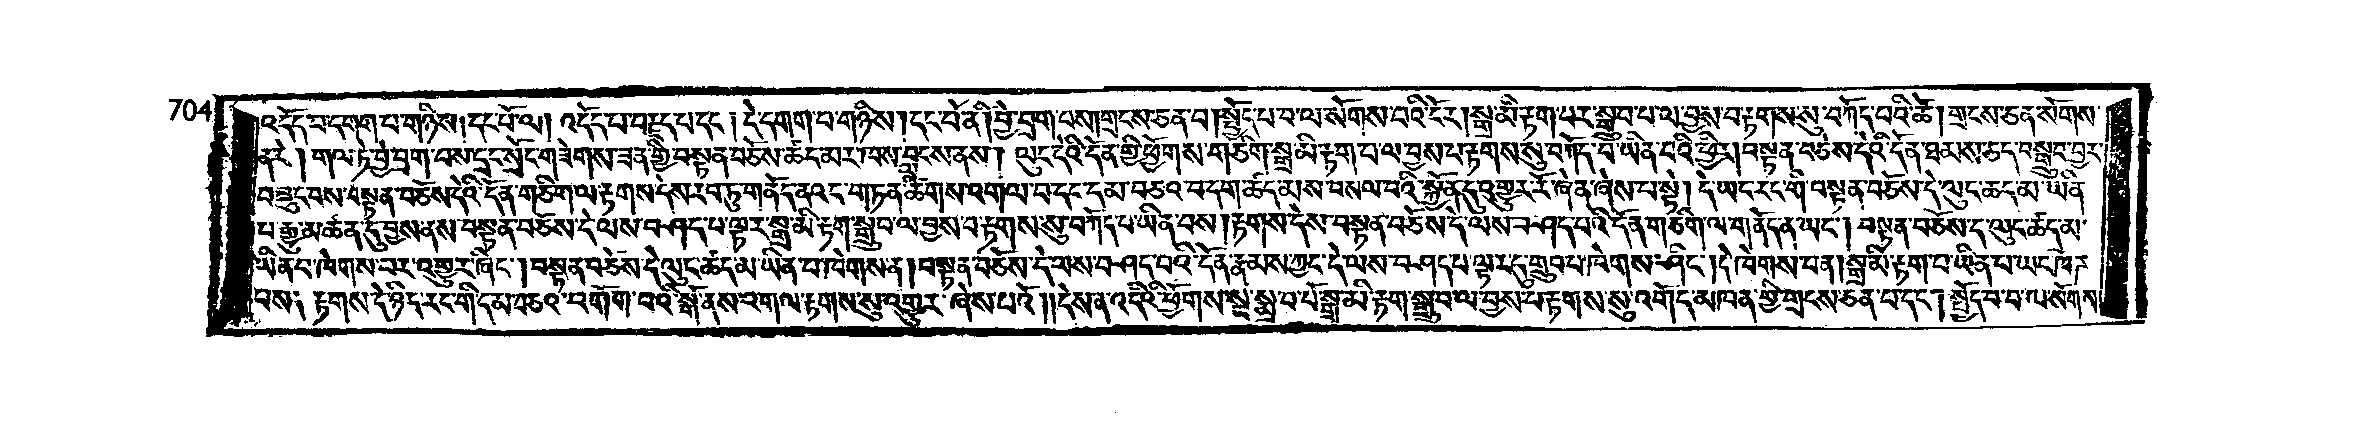་འདོད་པ་དགག་པ་གཉིས། དང་པོ་ལ། འདོད་པ་བརྗོད་པ་དང་། དེ་དགག་པ་གཉིས། དང་པོ་ནི། བྱེ་བྲག་པས། གྲངས་ཅན་པ། སྤྱོད་པ་བ་ལ་སོགས་པའི་ངོར། སྒྲ་མི་རྟག་པར་སྒྲུབ་པ་ལ་བྱས་པ་རྟགས་སུ་བཀོད་པའི་ཚེ། གྲངས་ཅན་སོགས་
ན་རེ། གལ་ཏེ་བྱེ་བྲག་བས་དྲང་སྲོང་གཟེགས་ཟན་གྱི་བསྟན་བཅོས་ཚད་མར་ཁས་བླངས་ནས། ལུང་དེའི་དོན་གྱི་ཕྱོགས་གཅིག་སྒྲ་མི་རྟག་པ་ལ་བྱས་པ་རྟགས་སུ་བཀོད་པ་ཡིན་པའི་ཕྱིར། བསྟན་བཅོས་དེའི་དོན་ཐམས་ཅད་བསྒྲུབ་བྱར་
བཟུང་བས་བསྟན་བཅོས་དེའི་དོན་གཅིག་ལ་རྟགས་དེས་རབ་ཏུ་གནོད་ནའང་གཏན་ཚིགས་འགལ་བ་དང་དམ་བཅའ་བ་དག་ཚད་མས་བསལ་བའི་སྐྱོན་དུ་འགྱུར་རོ་ཞེ་ན་ཞེས་པ་སྟེ། དེ་ཡང་རང་གི་བསྟན་བཅོས་དེ་ལུང་ཚད་མ་ཡིན་
པ་རྒྱུ་མཚན་དུ་བྱས་ནས་བསྟན་བཅོས་དེ་ལས་བཤད་པ་ལྟར་སྒྲ་མི་རྟག་སྒྲུབ་ལ་བྱས་པ་རྟགས་སུ་བཀོད་པ་ཡིན་པས། རྟགས་དེས་བསྟན་བཅོས་དེ་ལས་བཤད་པའི་དོན་གཅིག་ལ་གནོད་ན་ཡང་། བསྟན་བཅོས་དེ་ལུང་ཚད་མ་
ཡིན་པ་ཁེགས་པར་འགྱུར་ཞིང་། བསྟན་བཅོས་དེ་ལུང་ཚད་མ་ཡིན་པ་ཁེགས་ན། བསྟན་བཅོས་དེ་ལས་བཤད་པའི་དོན་རྣམས་ཀྱང་དེ་ལས་བཤད་པ་ལྟར་དུ་གྲུབ་པ་ཁེགས་ཤིང་། དེ་ཁེགས་པ་ན། སྒྲ་མི་རྟག་པ་ཡིན་པ་ཡང་ཁེགས་
པས། རྟགས་དེ་ཉིད་རང་གི་དམ་བཅའ་འགོག་པའི་སྒོ་ནས་འགལ་རྟགས་སུ་འགྱུར་ཞེས་པའོ། །དེས་ན་འདིའི་ཕྱོགས་སྔ་སྨྲ་བ་པོ་སྒྲ་མི་རྟག་སྒྲུབ་ལ་བྱས་པ་རྟགས་སུ་འགོད་མཁན་གྱི་གྲངས་ཅན་པ་དང་། སྤྱོད་པ་བ་ལ་སོགས་